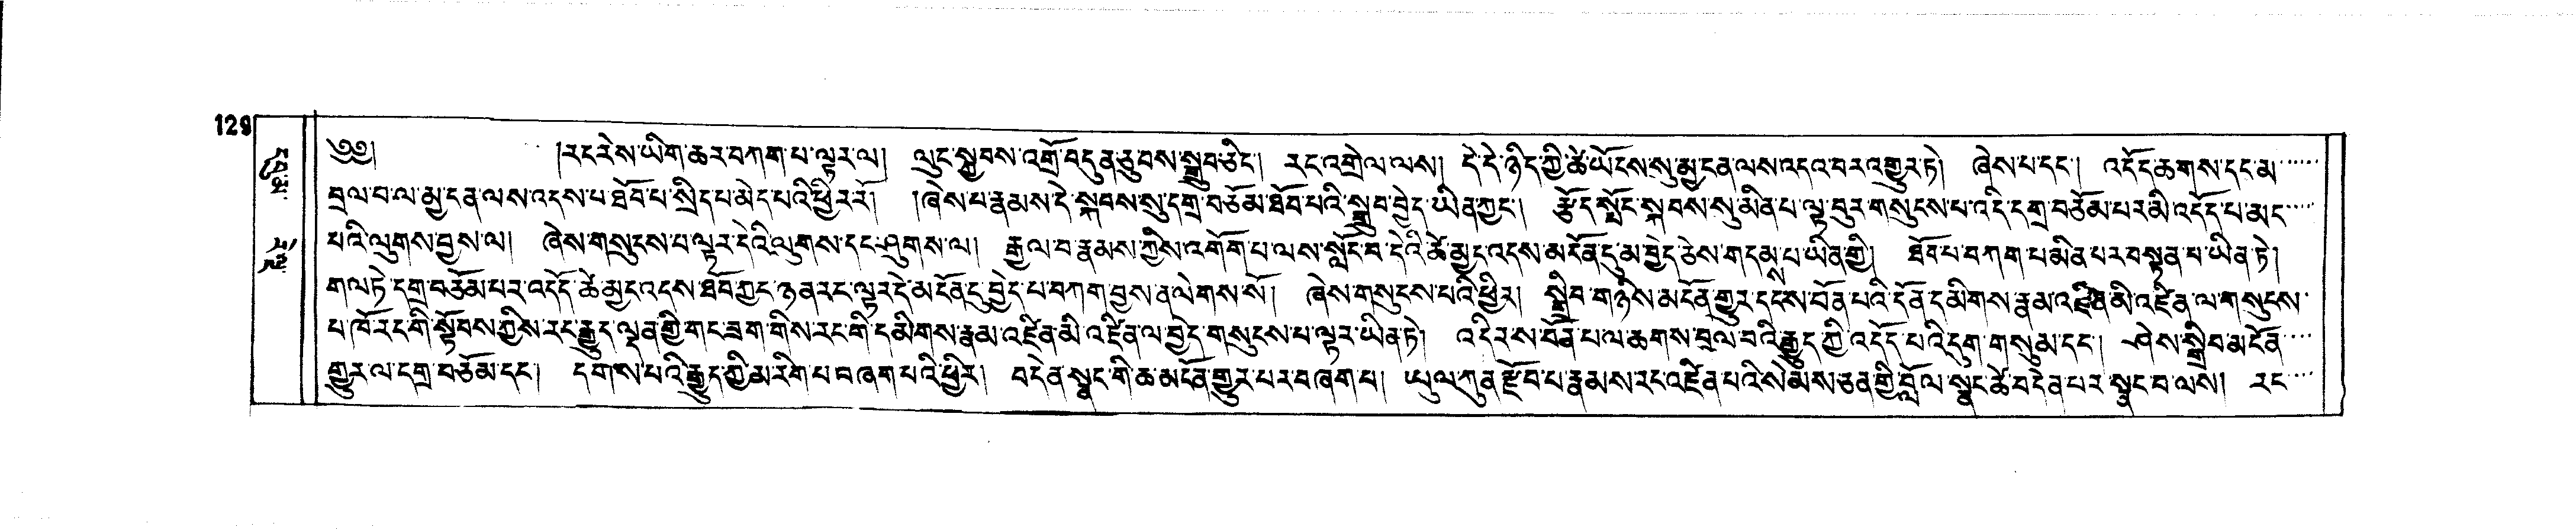༄༅། །རང་རེས་ཡིག་ཆར་བཀག་པ་ལྟར་ལ། ལུང་སྐྱབས་འགྲོ་བདུན་ཅུ་བས་སྒྲུབ་ཅིང་། རང་འགྲེལ་ལས། དེ་དེ་ཉིད་ཀྱི་ཚེ་ཡོངས་སུ་མྱ་ངན་ལས་འདའ་བར་འགྱུར་ཏེ། ཞེས་པ་དང་། འདོད་ཆགས་དང་མ་
བྲལ་བ་ལ་མྱ་ངན་ལས་འདས་པ་ཐོབ་པ་སྲིད་པ་མེད་པའི་ཕྱིར་རོ། །ཞེས་པ་རྣམས་དེ་སྐབས་སུ་དགྲ་བཅོམ་ཐོབ་པའི་སྒྲུབ་བྱེད་ཡིན་ཀྱང་། རྩོད་སྤོང་སྐབས་སུ་མིན་པ་ལྟ་བུར་གསུངས་པ་འདི་དགྲ་བཅོམ་པར་མི་འདོད་པ་མང་
པའི་ལུགས་བྱས་ལ། ཞེས་གསུངས་པ་ལྟར་དེའི་ལུགས་དང་ཤུགས་ལ། རྒྱལ་བ་རྣམས་ཀྱིས་འགོག་པ་ལས་སློང་བ་དེའི་ཚེ་མྱང་འདས་མངོན་དུ་མ་བྱེད་ཅེས་གདམས་པ་ཡིན་གྱི། ཐོབ་པ་བཀག་པ་མིན་པར་བསྟན་པ་ཡིན་ཏེ།
གལ་ཏེ་དགྲ་བཅོམ་པར་འདོད་ཚེ་མྱང་འདས་ཐོབ་ཀྱང་ཉན་རང་ལྟར་དེ་མངོན་དུ་བྱེད་པ་བཀག་བྱས་ན་ལེགས་སོ། ཞེས་གསུངས་པའི་ཕྱིར། སྒྲིབ་གཉིས་མངོན་གྱུར་དང་ས་བོན་པའི་དོན་དམིགས་རྣམ་འཛིན་མི་འཛིན་ལ་གསུངས་
པ་ཁོ་རང་གི་སྟོབས་ཀྱིས་རང་རྒྱུད་ལྡན་གྱི་གང་ཟག་གིས་རང་གི་དམིགས་རྣམ་འཛིན་མི་འཛིན་ལ་བྱེད་གསུངས་པ་ལྟར་ཡིན་ཏེ། འདིར་ས་བོན་པ་ལ་ཆགས་བྲལ་བའི་རྒྱུད་ཀྱི་འདོད་པའི་དུག་གསུམ་དང་། ཤེས་སྒྲིབ་མངོན་
གྱུར་ལ་དགྲ་བཅོམ་དང་། དག་ས་པའི་རྒྱུད་ཀྱི་མ་རིག་པ་བཞག་པའི་ཕྱིར། བདེན་སྣང་གི་ཆ་མངོན་གྱུར་པར་བཞག་པ། ཡུལ་ཀུན་རྫོབ་པ་རྣམས་རང་འཛིན་པའི་སེམས་ཅན་གྱི་བློ་ལ་སྣང་ཚེ་བདེན་པར་སྣང་བ་ལས། རང་